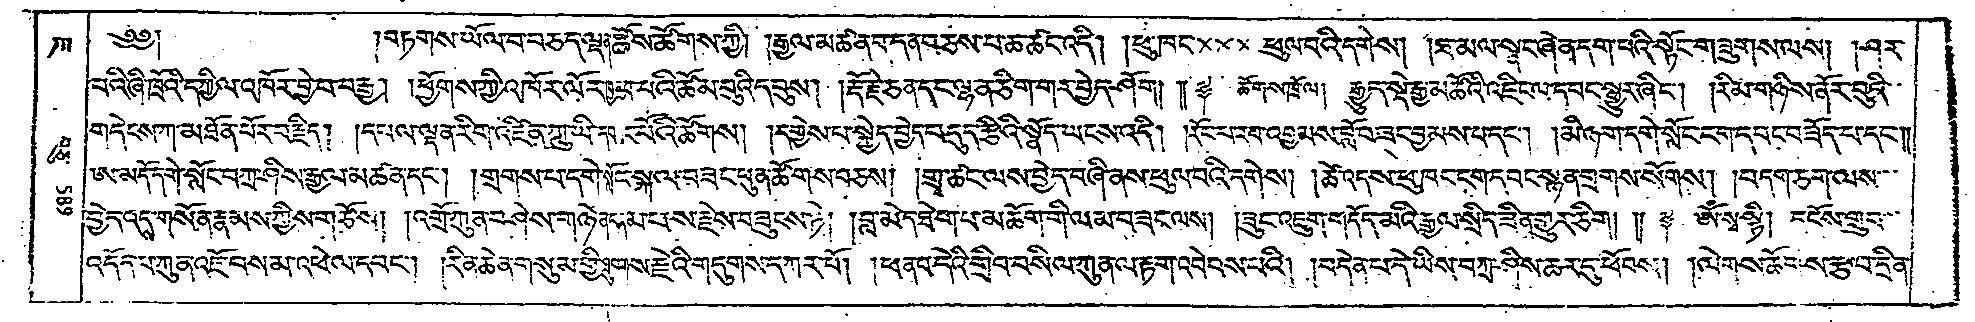༄༅། །བཏགས་ཡོལ་བ་བཅད་ལྡན་ཚོས་ཚོགས་ཀྱི། །རྒྱལ་མཚན་བ་དན་བཅས་པ་ཆ་ཚང་འདི། །ཕུ་ཁང་྾་྾་྾་ཕུལ་བའི་དགེས། །ཐ་མལ་སྣང་ཞེན་དག་པའི་སྟོང་གཟུགས་ལས། །ཤར་
བའི་ཞི་ཁྲོའི་དཀྱིལ་འཁོར་བྱེ་བ་བརྒྱ། །ཕྱོགས་ཀྱི་འཁོར་ལོར་ཁྱབ་པའི་ཚོམ་བུའི་དབུས། །རྡོ་རྗེ་ཅན་དང་ལྷན་ཅིག་གར་བྱེད་ཤོག ། །། ༈ ཚོགས་ཁྲོ་ལ།  རྒྱུད་སྡེ་རྒྱ་མཚོའི་འཇིང་ལ་དབང་སྒྱུར་ཞིང་། །རིམ་གཉིས་ནོར་བུའི་
གདེངས་ཀ་མཐོན་པོར་བརྗིད། །དཔལ་ལྡན་རིག་འཛིན་ཀླུ་ཡི་དབང་པོའི་ཚོགས། །དགྱེས་པ་སྐྱེད་བྱེད་བདུད་རྩིའི་སྣོད་ཡངས་འདི། །རོང་པ་རབ་འབྱམས་བློ་བཟང་བྱམས་པ་དང་། །མི་ཉག་དགེ་སློང་ངག་དབང་བཟོད་པ་དང་། །
ཨ་མདོ་དགེ་སློང་བཀྲ་ཤིས་རྒྱལ་མཚན་དང་། །གྲགས་པ་དགེ་སློང་སྐལ་བཟང་ཕུན་ཚོགས་བཅས། །གྲྭ་ཚང་ལས་བྱེད་བཞི་ནས་ཕུལ་བའི་དགེས། །ཚེ་འདས་ཕུ་ཁང་ངག་དབང་སྙན་གྲགས་སོགས། །བདག་ཅག་ལས་
བྱེད་འདས་གསོན་རྣམས་ཀྱིས་གཙོས། །འགྲོ་ཀུན་བཤེས་གཉེན་དམ་པས་རྗེས་བཟུངས་ཏེ། །བླ་མེད་ཐེག་པ་མཆོག་གི་ལམ་བཟང་ལས། །ཟུང་འཇུག་གདོད་མའི་རྒྱལ་སྲིད་ཟིན་གྱུར་ཅིག ། །། ༈ ཨོཾ་སྭསྟི། དངོས་གྲུབ་
འདོད་པ་ཀུན་འཇོ་བསམ་འཕེལ་དབང་། །རིན་ཆེན་གསུམ་གྱི་ཐུགས་རྗེའི་གདུགས་དཀར་པོ། །ཕན་བདེའི་གྲིབ་བསིལ་ཀུན་ལ་རྟག་འབེབས་པའི། །བདེན་པ་དེ་ཡིས་བཀྲ་ཤིས་ཆར་དུ་ཕོབས། །ལེགས་ཚོགས་རྩ་བ་དྲིན་